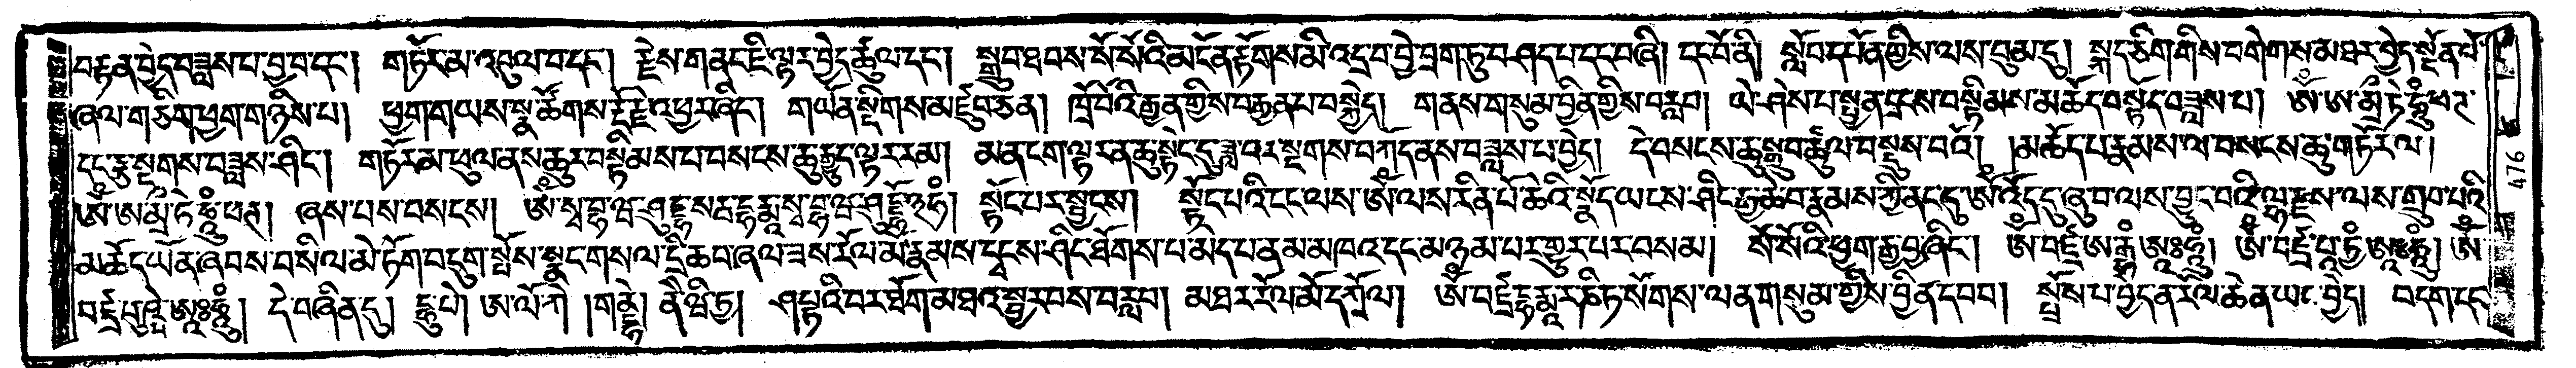བརྟན་བྱེད་བཟླས་པ་བྱ་བ་དང་། གཏོར་མ་འབུལ་བ་དང་། རྗེས་གནང་ཇི་ལྟར་བྱེད་ཚུལ་དང་། སྒྲུབ་ཐབས་སོ་སོའི་མངོན་རྟོགས་མི་འདྲ་བ་བྱེ་བྲག་ཏུ་བཤད་པ་དང་བཞི། དང་པོ་ནི། སློབ་དཔོན་གྱིས་ལས་བུམ་དུ། སྐད་ཅིག་གིས་བགེགས་མཐར་བྱེད་སྔོན་པོ་
ཞལ་གཅིག་ཕྱག་གཉིས་པ། ཕྱག་གཡས་སྣ་ཚོགས་རྡོ་རྗེ་འཕྱར་ཞིང་། གཡོན་སྡིགས་མཛུབ་ཅན། ཁྲོ་བོའི་རྒྱན་གྱིས་བརྒྱན་པ་བསྐྱེད། གནས་གསུམ་བྱིན་གྱིས་བརླབ། ཡེ་ཤེས་པ་སྤྱན་དྲངས་བསྟིམས་མཆོད་བསྟོད་བཟླས་པ། ཨོཾ་ཨ་མྲྀ་ཏེ་ཧཱུཾ་ཕཊ་
དང་རྩ་སྔགས་བཟླས་ཤིང་། གཏོར་མ་ཕུལ་ནས་ཆུར་བསྟིམས་པ་བསངས་ཆུ་རྒྱུད་ལྟར་རམ། མན་ངག་ལྟར་ན་ཆུ་སྟེང་དུ་ཟླ་བར་སྔགས་བཀོད་ནས་བཟླས་པ་བྱེད། དེ་བསངས་ཆུ་སྒྲུབ་ཚུལ་བསྡུས་པའོ། །མཆོད་པ་རྣམས་ལ་བསངས་ཆུ་གཏོར་ལ།
ཨོཾ་ཨ་མྲྀ་ཏེ་ཧཱུཾ་ཕཊ། ཞེས་པས་བསངས། ཨོཾ་སྭ་བྷ་ཝ་ཤུདྡྷ་སརྦ་དྷརྨཱ་སྭ་བྷ་ཝ་ཤུདྡྷོ་ཉཧཾ། སྟོང་པར་སྦྱངས། སྟོང་པའི་ངང་ལས་ཨོཾ་ལས་རིན་པོ་ཆེའི་སྣོད་ཡངས་ཤིང་རྒྱ་ཆེ་བ་རྣམས་ཀྱི་ནང་དུ་ཨོཾ་འོད་དུ་ཞུ་བ་ལས་བྱུང་བའི་ལྷ་རྫས་ལས་གྲུབ་པའི་
མཆོད་ཡོན་ཞབས་བསིལ་མེ་ཏོག་བདུག་སྤོས་སྣང་གསལ་དྲི་ཆབ་ཞལ་ཟས་རོལ་མོ་རྣམས་དྭངས་ཤིང་ཐོགས་པ་མེད་པ་ནམ་མཁའ་དང་མཉམ་པར་གྱུར་པར་བསམ། སོ་སོའི་ཕྱག་རྒྱ་བྱ་ཞིང་། ཨོཾ་བཛྲ་ཨརྒྷཾ་ཨཱཿཧཱུཾ། ཨོཾ་བཛྲ་པཱ་ཏྱཾ་ཨཱཿཧཱུཾ། ཨོཾ་
བཛྲ་པུཥྤེ་ཨཱཿཧཱུཾ། དེ་བཞིན་དུ། དྷུ་པེ། ཨ་ལོ་ཀེ །གནྡྷེ། ནཻ་ཝི་ཏྱ། ཤཔྟའི་བར་ཐོག་མཐའ་སྦྱར་བས་བརླབ། མཐར་རོལ་མོ་དཀྲོལ། ཨོཾ་བཛྲ་དྷརྨཱ་ར་ཎི་ཏ་སོགས་ལན་གསུམ་གྱིས་བྱིན་དབབ། སྤྲོས་པ་བྱེད་ན་རོལ་ཆེན་ཡང་བྱེད། བདག་དང་